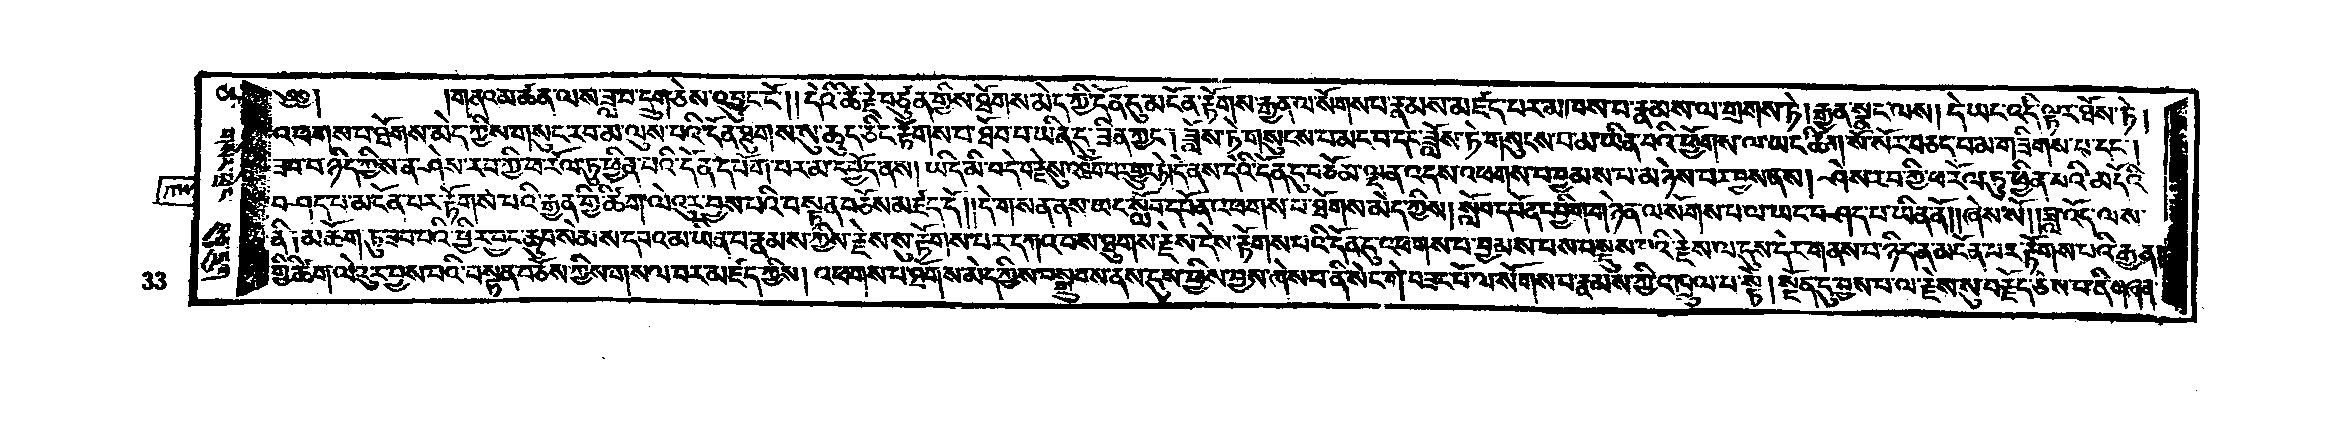༄༅། །གནའ་མཆན་ལས་ཟླ་བ་དྲུག་ཅེས་འབྱུང་ངོ། །དེའི་ཚེ་རྗེ་བཙུན་གྱིས་ཐོགས་མེད་ཀྱི་དོན་དུ་མངོན་རྟོགས་རྒྱན་ལ་སོགས་པ་རྣམས་མཛད་པར་མཁས་པ་རྣམས་ལ་གྲགས་ཏེ། རྒྱན་སྣང་ལས། དེ་ཡང་འདི་ལྟར་ཐོས་ཏེ།
འཕགས་པ་ཐོགས་མེད་ཀྱིས་གསུང་རབ་མ་ལུས་པའི་དོན་ཐུགས་སུ་ཆུད་ཅིང་རྟོགས་པ་ཐོབ་པ་ཡིན་དུ་ཟིན་ཀྱང་། ཟློས་ཏེ་གསུངས་པ་མང་བ་དང་ཟློས་ཏེ་གསུངས་པ་མ་ཡིན་པའི་ཕྱོགས་ལ་ཡང་ཚིག་སོ་སོར་བཅད་པ་མ་གཟིགས་པ་དང་།
ཟབ་པ་ཉིད་ཀྱིས་ན་ཤེས་རབ་ཀྱི་ཕ་རོལ་ཏུ་ཕྱིན་པའི་དོན་དཔོག་པར་མ་དཔྱོད་ནས། ཡིད་མི་བདེ་བ་རྗེས་སུ་འཐོབ་པར་གྱུར་ཏེ། དེ་ནས་དེའི་དོན་དུ་བཅོམ་ལྡན་འདས་འཕགས་པ་བྱམས་པ་མཉེས་པར་བྱས་ནས། ཤེས་རབ་ཀྱི་ཕ་རོལ་ཏུ་ཕྱིན་པའི་མདོའི་
བཤད་པ་མངོན་པར་རྟོགས་པའི་རྒྱན་གྱི་ཚིག་ལེའུར་བྱས་པའི་བསྟན་བཅོས་མཛད་དོ། །དེ་གསན་ནས་ཡང་སློབ་དཔོན་འཕགས་པ་ཐོགས་མེད་ཀྱིས། སློབ་དཔོན་དབྱིག་གཉེན་ལ་སོགས་པ་ལ་ཡང་བཤད་པ་ཡིན་ནོ། །ཞེས་སོ། །ཟླ་འོད་ལས་
ནི། མཆོག་ཏུ་ཟབ་པའི་ཕྱིར་བྱང་ཆུབ་སེམས་དཔའ་མ་ཡིན་པ་རྣམས་ཀྱིས་རྗེས་སུ་རྟོགས་པར་དཀའ་བས་ཐུགས་རྗེས་དེས་རྟོགས་པའི་དོན་དུ་འཕགས་པ་བྱམས་པས་བསྡུས་པའི་རྗེས་ལ་དུས་དེར་གནས་པ་ཉིད་ན་མངོན་པར་རྟོགས་པའི་རྒྱན།
གྱི་ཚིག་ལེའུར་བྱས་པའི་བསྟན་བཅོས་ཀྱིས་གསལ་བར་མཛད་ཀྱིས། འཕགས་པ་ཐོགས་མེད་ཀྱིས་བསྒྲུབས་ནས་དུས་ཕྱིས་བྱས་ཞེས་པ་ནི་སེང་གེ་བཟང་པོ་ལ་སོགས་པ་རྣམས་ཀྱི་འཁྲུལ་པ་སྟེ། སྔོན་དུ་བྱས་པ་ལ་རྗེས་སུ་བརྗོད་ཅེས་པ་ནི་གཞན་